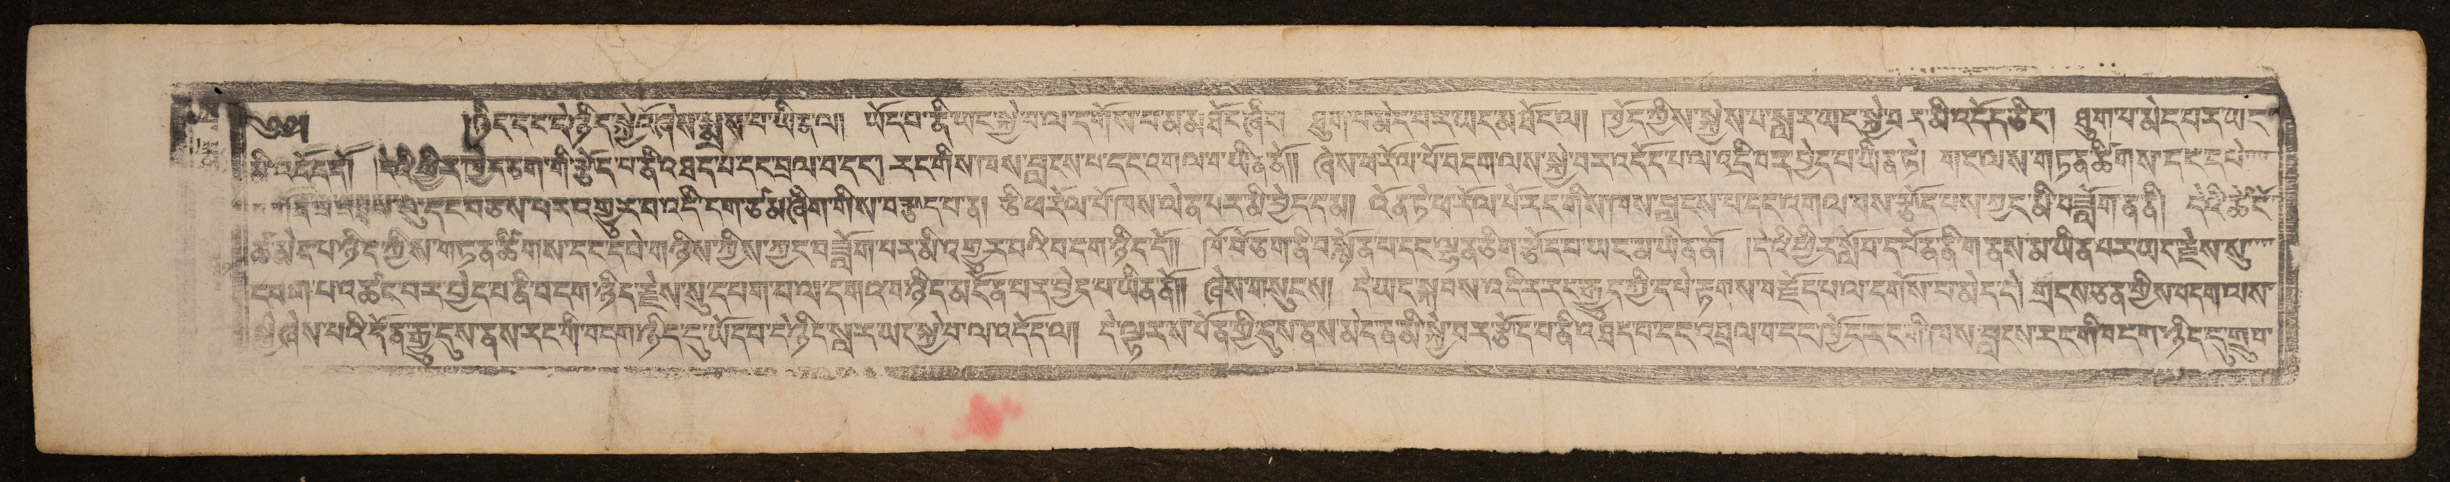༄༅། །ཉིད་དང་དེ་ཉིད་སྐྱེའོ་ཞེས་སྨྲས་པ་ཡིན་ལ། ཡོད་པ་ནི་ཡང་སྐྱེ་བ་ལ་དགོས་པ་མ་མཐོང་ཞིང་། ཐུག་པ་མེད་པར་ཡང་མཐོང་ལ། ཁྱོད་ཀྱིས་སྐྱེས་པ་སླར་ཡང་སྐྱེ་བར་མི་འདོད་ཅིང་། ཐུག་པ་མེད་པར་ཡང་
མི་འདོད་དོ། །དེའི་ཕྱིར་ཁྱེད་ཅག་གི་རྩོད་པ་ནི་འཐད་པ་དང་བྲལ་བ་དང་། རང་གིས་ཁས་བླངས་པ་དང་འགལ་བ་ཡིན་ནོ། །ཞེས་ཕ་རོལ་པོ་བདག་ལས་སྐྱེ་བར་འདོད་པ་ལ་འདྲི་བར་བྱེད་པ་ཡིན་ཏེ། གང་ལས་གཏན་ཚིགས་དང་དཔེ་
བཀོད་པ་འབྲས་བུ་དང་བཅས་པར་འགྱུར་བ་འདི་དག་ཙམ་ཞིག་གིས་བརྩད་པ་ན། ཅི་ཕ་རོལ་པོ་ཁས་ལེན་པར་མི་བྱེད་དམ། འོན་ཏེ་ཕ་རོལ་པོ་རང་གིས་ཁས་བླངས་པ་དང་འགལ་བས་རྩོད་པས་ཀྱང་མི་བཟློག་ན་ནི། དེའི་ཚེ་ངོ་
ཚ་མེད་པ་ཉིད་ཀྱིས་གཏན་ཚིགས་དང་དཔེ་གཉིས་ཀྱིས་ཀྱང་བཟློག་པར་མི་འགྱུར་བའི་བདག་ཉིད་དོ། །ཁོ་བོ་ཅག་ནི་བསྙོན་པ་དང་ལྷན་ཅིག་རྩོད་པ་ཡང་མ་ཡིན་ནོ། །དེའི་ཕྱིར་སློབ་དཔོན་ནི་གནས་མ་ཡིན་པར་ཡང་རྗེས་སུ་
དཔག་པ་འཚང་བར་བྱེད་པ་ནི་བདག་ཉིད་རྗེས་སུ་དཔག་པ་ལ་དགའ་བ་ཉིད་མངོན་པར་བྱེད་པ་ཡིན་ནོ། །ཞེས་གསུངས། དེ་ཡང་སྐབས་འདིར་རང་རྒྱུད་ཀྱི་དཔེ་རྟགས་བརྗོད་པ་ལ་དགོས་པ་མེད་དེ། གྲངས་ཅན་གྱིས་བདག་ལས་
སྐྱེ་ཞེས་པའི་དོན་རྒྱུ་དུས་ནས་རང་གི་བདག་ཉིད་དུ་ཡོད་པ་དེ་ཉིད་སླར་ཡང་སྐྱེ་བ་ལ་འདོད་ལ། དེ་ལྟར་ས་བོན་གྱི་དུས་ནས་མེད་ན་མི་སྐྱེ་བར་རྩོད་པ་ནི་འཐད་པ་དང་འབྲལ་བ་དང་ཁྱོད་རང་གི་ཁས་བླངས་རང་གི་བདག་ཉིད་དུ་གྲུབ་